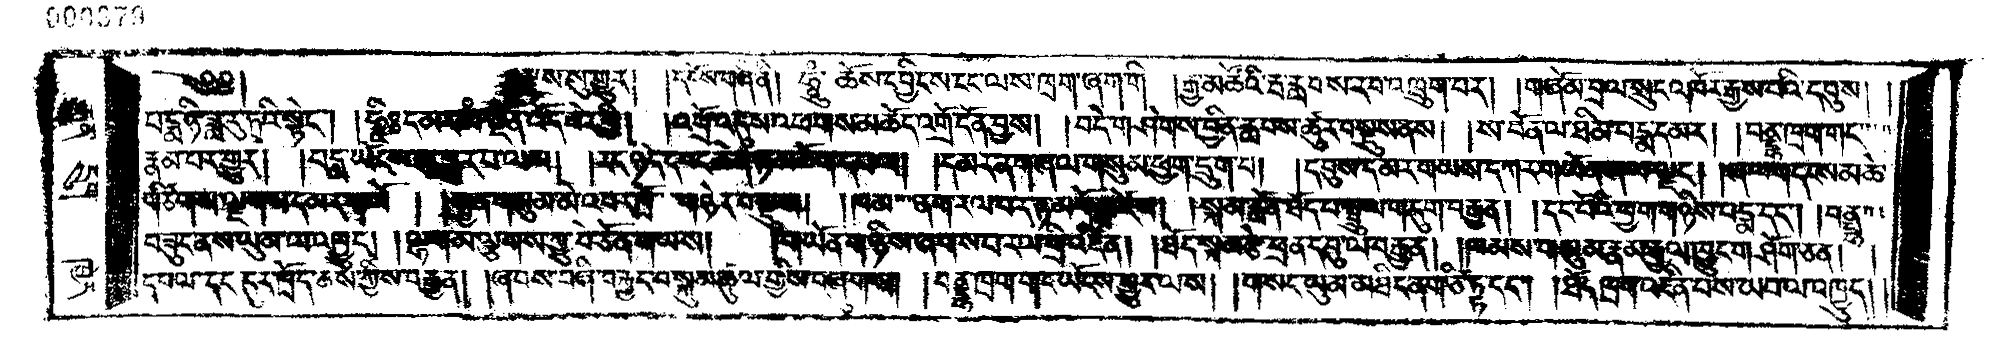༄༅། །རྫས་སུ་གྱུར། །དངོས་གཞི་ནི།  ཧཱུཾ་ཆོས་དབྱིངས་ངང་ལས་ཁྲག་ཞག་གི །རྒྱ་མཚོའི་རྦ་རླབས་རབ་འཁྲུག་པར། །གཞོམ་བྲལ་སྲུང་འཁོར་རྒྱས་པའི་དབུས། །
པདམ་ཉི་ཟླ་རུ་ཏྲའི་སྟེང་། །ཧྲཱིཿ དམར་མཾ་སྔོན་འོད་ཟེར་གྱི། །འཕྲོ་འདུས་འཕགས་མཆོད་འགྲོ་དོན་བྱས། །བདེ་གཤེགས་བྱིན་རླབས་ཚུར་བསྡུས་ནས། །ས་བོན་ལ་ཐིམ་པདམ་དམར། །བནྡྷ་ཁྲག་གང་
རྣམ་པར་གྱུར། །པདམ་ཡོངས་སུ་གྱུར་པ་ལས། །རང་ཉིད་དབང་ཆེན་རྟ་མཆོག་དཔལ། །དམར་ནག་གཞལ་གསུམ་ཕྱག་དྲུག་པ། །དབུས་དམར་གཡས་དཀར་གཡོན་ཞལ་ལྗང་། །ཞལ་གདངས་མཆེ་
གཙིགས་ལྗགས་དམར་གཡོ། །སྤྱན་གསུམ་མེ་འབར་ཁྲོ་གཉེར་བསྡུས། །ཁམ་ནག་རལ་བར་རྟ་མགོས་མཛེས། །སྐམ་རློན་ཐོད་པ་སྦྲུལ་གདུག་བརྒྱན། །དང་པོའི་ཕྱག་གཉིས་པདམ་དང་། །བནྡྷ་
བཟུང་ནས་ཡུམ་ལ་འཁྱུད། །ལྷག་མ་ལྕགས་ཀྱུ་བེ་ཅོན་གཡས། །གཡོན་གཉིས་ཞགས་པ་རལ་གྲི་འཛིན། །ཐོད་སྐམ་རྩེ་ཕྲན་དབུ་ལ་བརྒྱན། །ཁམས་གསུམ་རྣམ་རྒྱལ་ཁྱུང་གཤོག་ཅན། །
དཔལ་དང་དུར་ཁྲོད་ཆས་ཀྱིས་བརྒྱན། །ཞབས་བཞི་བརྐྱང་བསྐུམ་ཚུལ་གྱིས་བཞུགས། །བནྡྷ་ཁྲག་གང་ཡོངས་གྱུར་ལས། །གསང་ཡུམ་མཐིང་ནག་ཙི་ཏྟ་དང་། །ཐོད་ཁྲག་འཛིན་པས་ཡབ་ལ་འཁྱུད། །